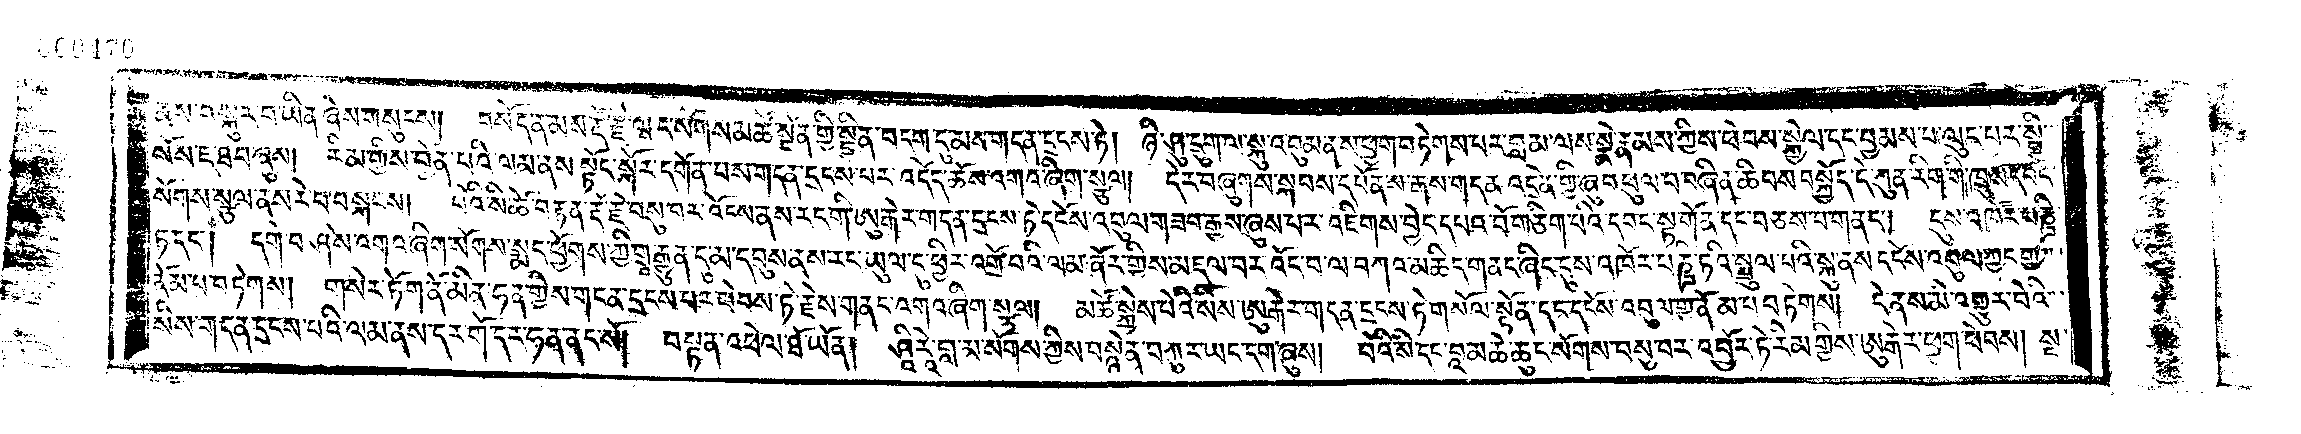ནས་བསྐུར་བ་ཡིན་ཞེས་གསུངས། བསོད་ནམས་རྡོ་རྗེ་ཝང་སོགས་མཚོ་སྔོན་གྱི་སྦྱིན་བདག་དུ་མས་གདན་དྲངས་ཏེ། ཉི་ཤུ་དྲུག་ལ་སྐུ་འབུམ་ནས་ཕྱག་བཏེགས་པར་བླ་མ་ལས་སྣེ་རྣམས་ཀྱིས་ཕེབས་སྐྱེལ་དང་བྱམས་པ་ལུང་བར་སྤྱི་
སོས་ཇ་ཐབ་ཞུས། རིམ་གྱིས་བྱོན་པའི་ལམ་ནས་སྟོང་སྐོར་དགོན་པས་གདན་དྲངས་པར་འདོད་ཆོས་འགའ་ཞིག་སྩལ། དེར་བཞུགས་སྐབས་དཔོན་སརྒས་གདན་འདྲེན་གྱི་ཞུ་པ་ཕུལ་བ་བཞིན་ཆིབས་བསྐྱོད་དེ་ཀུན་རིག་གི་ཁྲུས་དཔང་
སོགས་སྩལ་ནས་རེ་བ་བསྐངས། པེའི་སི་ཚེ་བརྟན་རྡོ་རྗེ་བསུ་བར་འོངས་ནས་རང་གི་ཨུརྒེར་གདན་དྲངས་ཏེ་དངོས་འབུལ་གཟབ་རྒྱས་ཞུས་པར་འཇིགས་བྱེད་དཔའ་བོ་གཅིག་པའི་དབང་སྟ་གོན་དང་བཅས་པ་གནང་། དུས་འཁོར་པཎྜི་
ཏ་དང་། དགེ་བཤེས་འགའ་ཞིག་སོགས་སྨད་ཕྱོགས་ཀྱི་གྲྭ་རྒྱུན་དུ་མ་དབུས་ནས་རང་ཡུལ་དུ་ཕྱིར་འགྲོ་བའི་ལམ་ཞོར་གྱིས་མཇལ་བར་འོང་བ་ལ་བཀའ་མཆིད་གནང་ཞིང་དུས་འཁྲོ་པཎྜི་ཏའི་སྤྲུལ་པའི་སྐུ་ནས་དངོས་འབུལ་ཀྱང་གྱ་
ནོམ་པ་བཏེགས། གསེར་ཏོག་ནོ་མིན་ཧན་གྱིས་གདན་དྲངས་པར་ཕེབས་ཏེ་རྗེས་གནང་འགའ་ཞིག་སྩལ། མཚོ་སྐྱེས་པེའི་སིས་ཨུརྒེར་གདན་དྲངས་ཏེ་གསོལ་སྟོན་དང་དངོས་འབུལ་གྱི་ནོམ་པ་བཏེགས། དེ་ནས་མི་འགྱུར་པེའི་
སིས་གདན་དྲངས་པའི་ལམ་ནས་དར་གོ་ངར་ཧན་ནང་སོ། བསྟན་འཕེལ་ཐོ་ཡོན། ཤཱི་རE་བླ་མ་སོགས་ཀྱིས་བསྙེན་བཀུར་ཡང་དག་ཞུས། པེའི་སི་དང་བླ་མ་ཆེ་ཆུང་སོགས་བསུ་བར་འབྱོར་ཏེ་རིམ་གྱིས་ཨུརྒེར་ཕྱག་ཕེབས། སྔ་